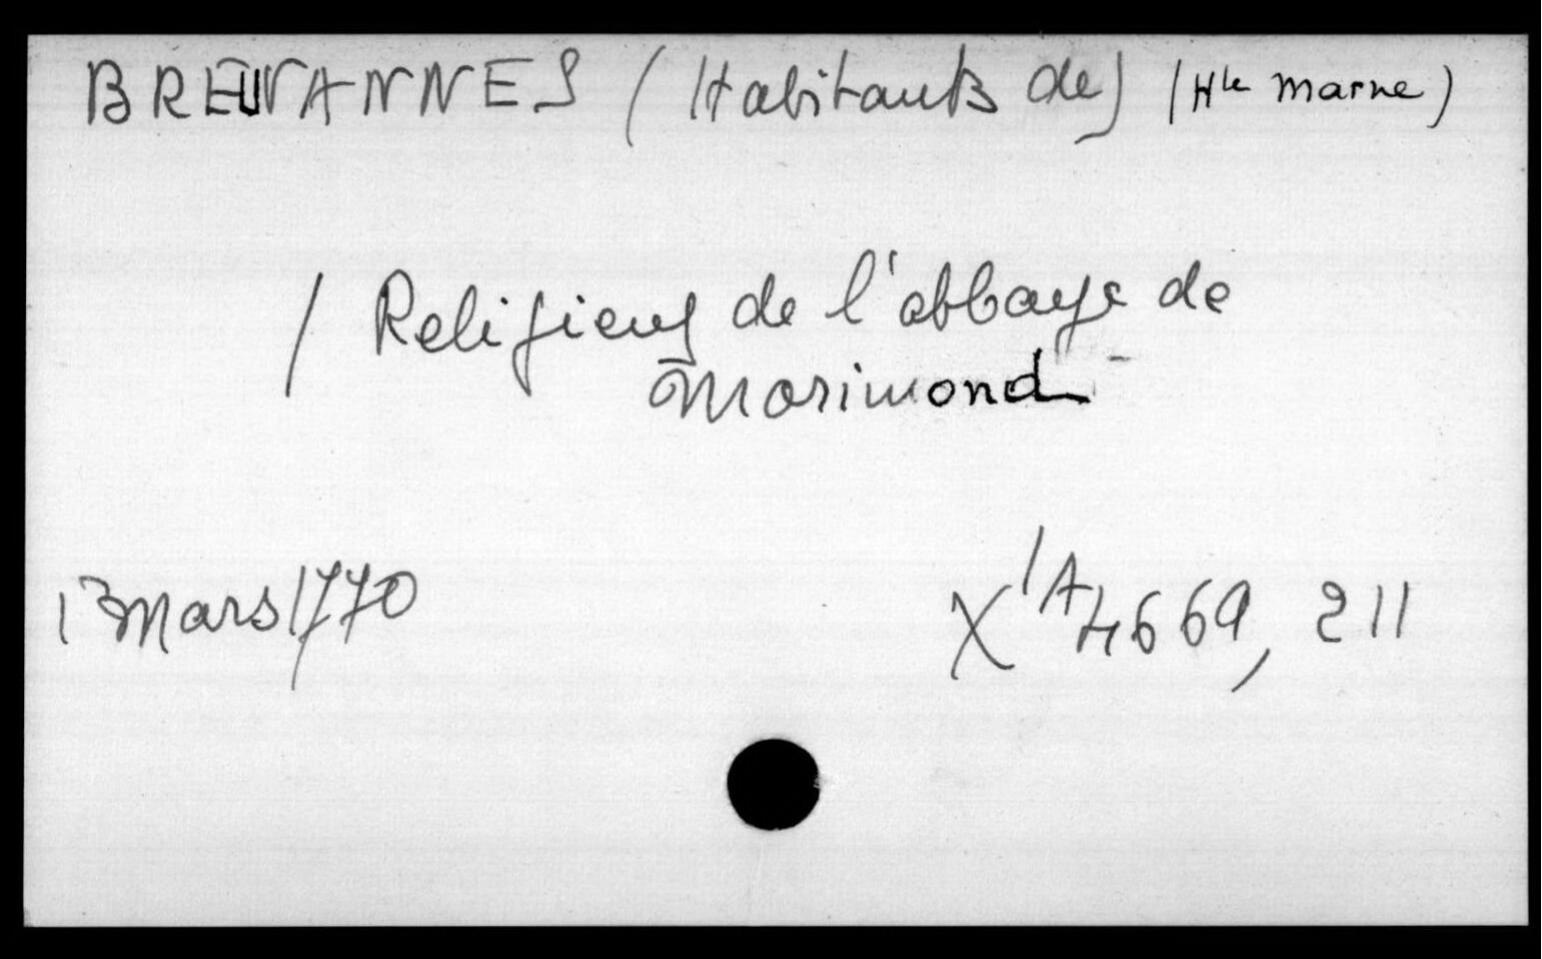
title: BREUVANNES (Habitants de) [Haute-Marne]
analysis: Contre Religieux de l'abbaye de Morimond
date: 1 mars 1770
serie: X1A
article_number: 4669
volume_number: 211
